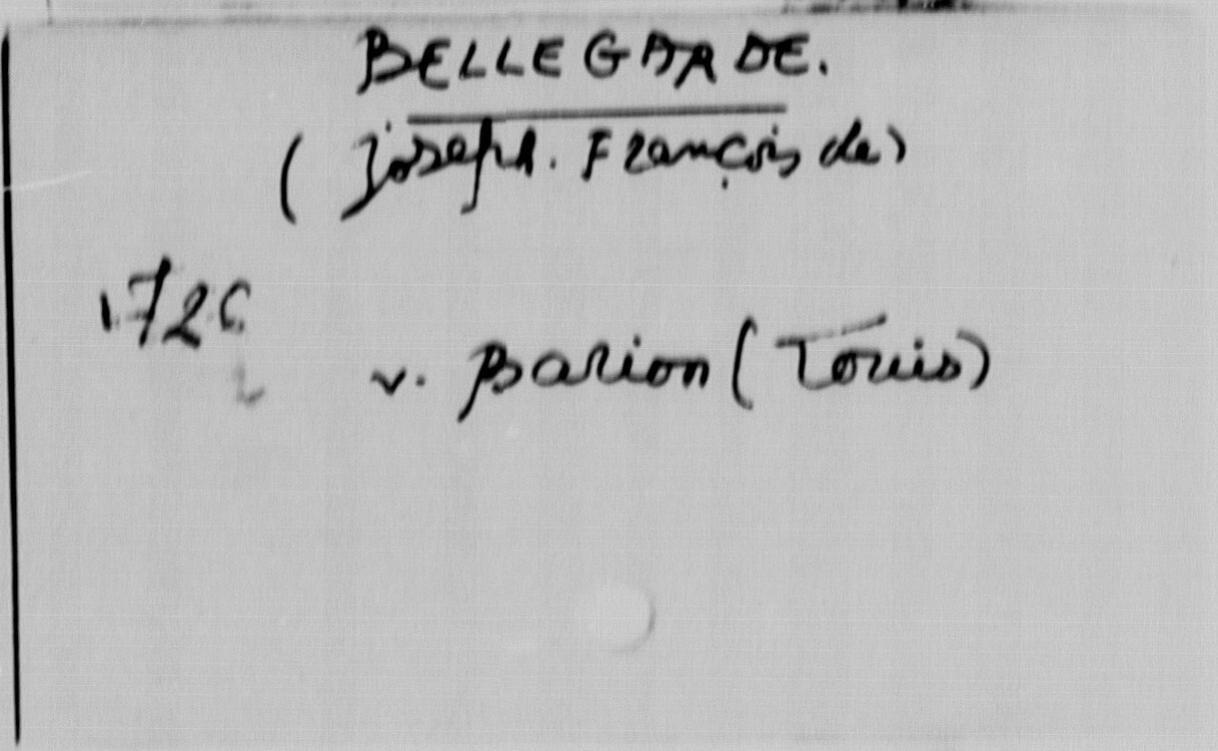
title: BELLEGARDE (Joseph-François de)
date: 1726
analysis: Voir BARION (Louis)
